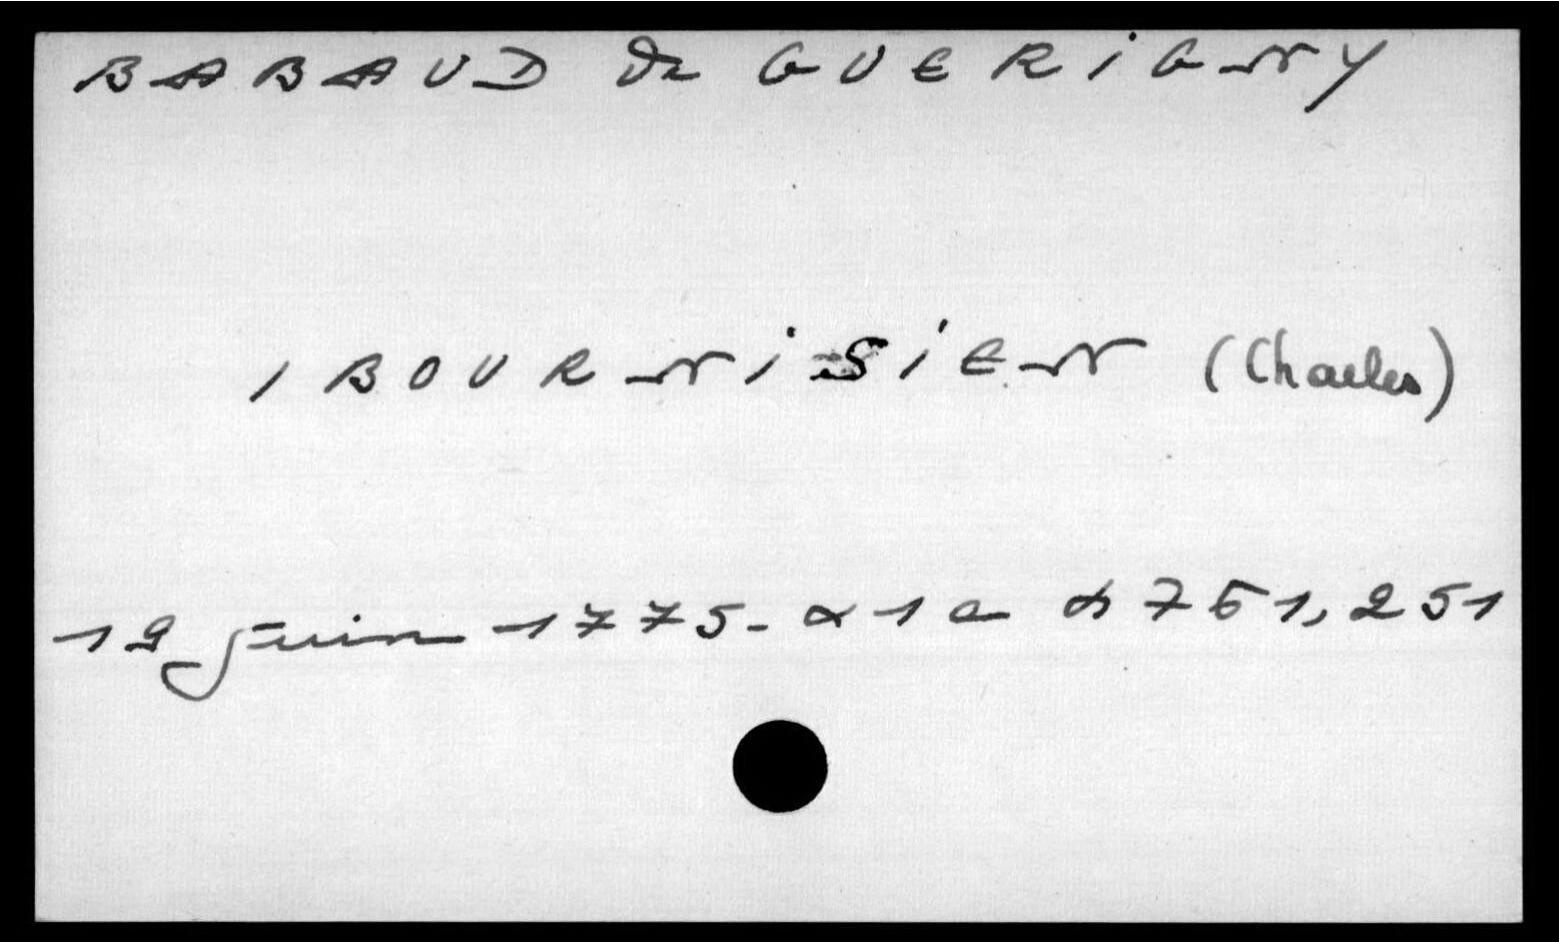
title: BABAUD de GUERIGNY
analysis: Contre BOURNISIEN (Charles)
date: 19 juin 1775
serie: X1a
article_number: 4761
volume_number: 251
